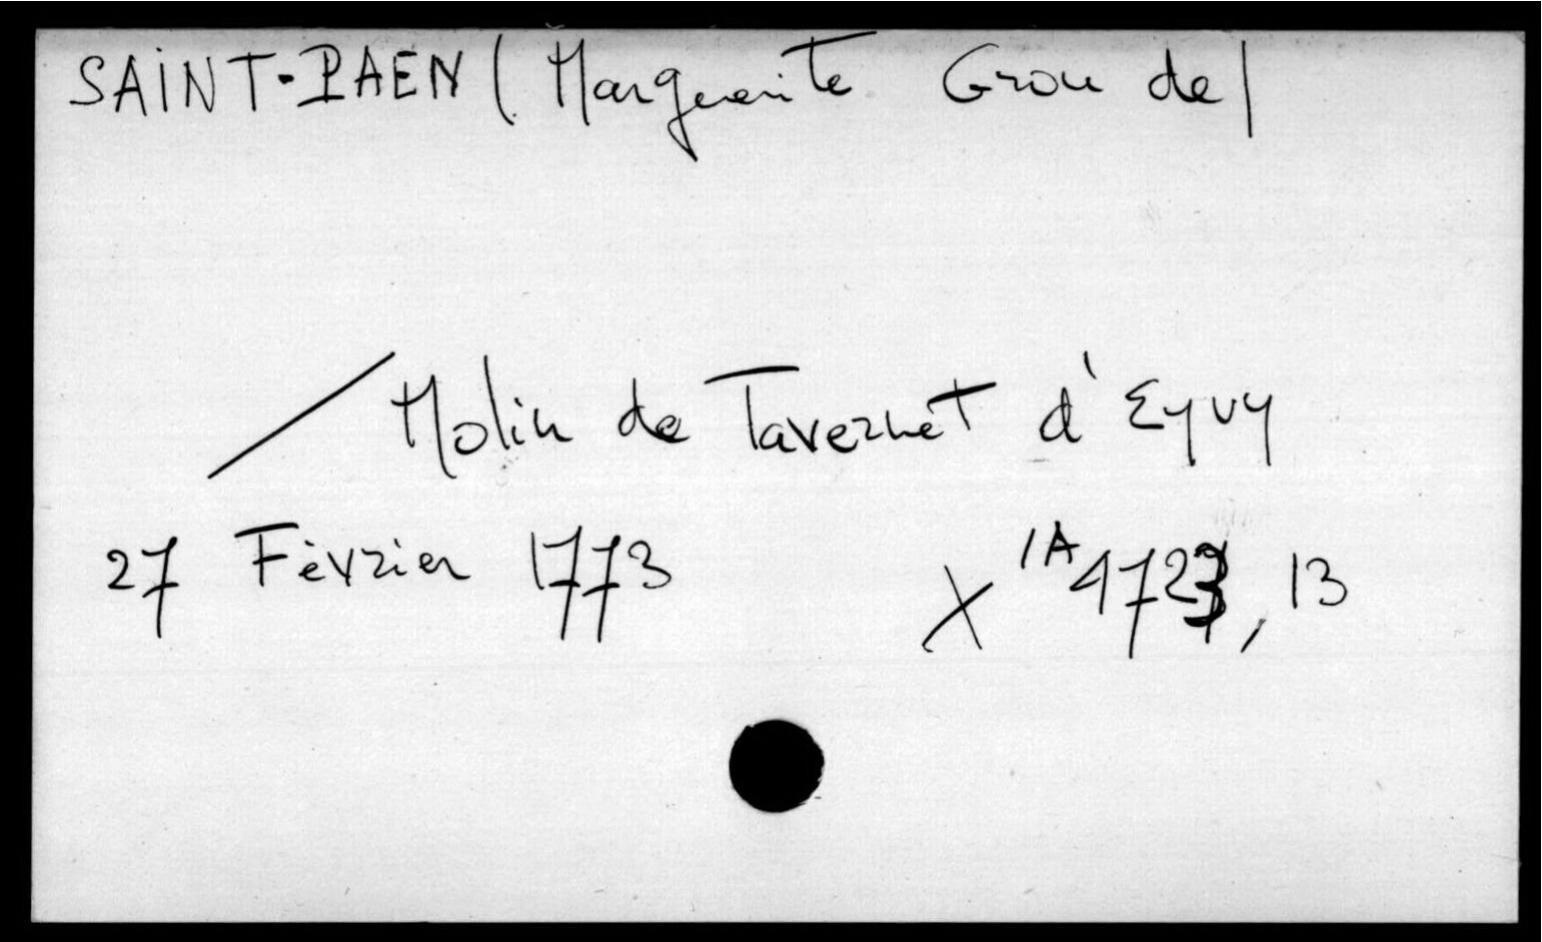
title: SAINT-PAEN (Marguerite Grou de)
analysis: Contre Molin de Tavernet d'Eyvy
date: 27 février 1773
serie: X1A
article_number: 4723
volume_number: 13
